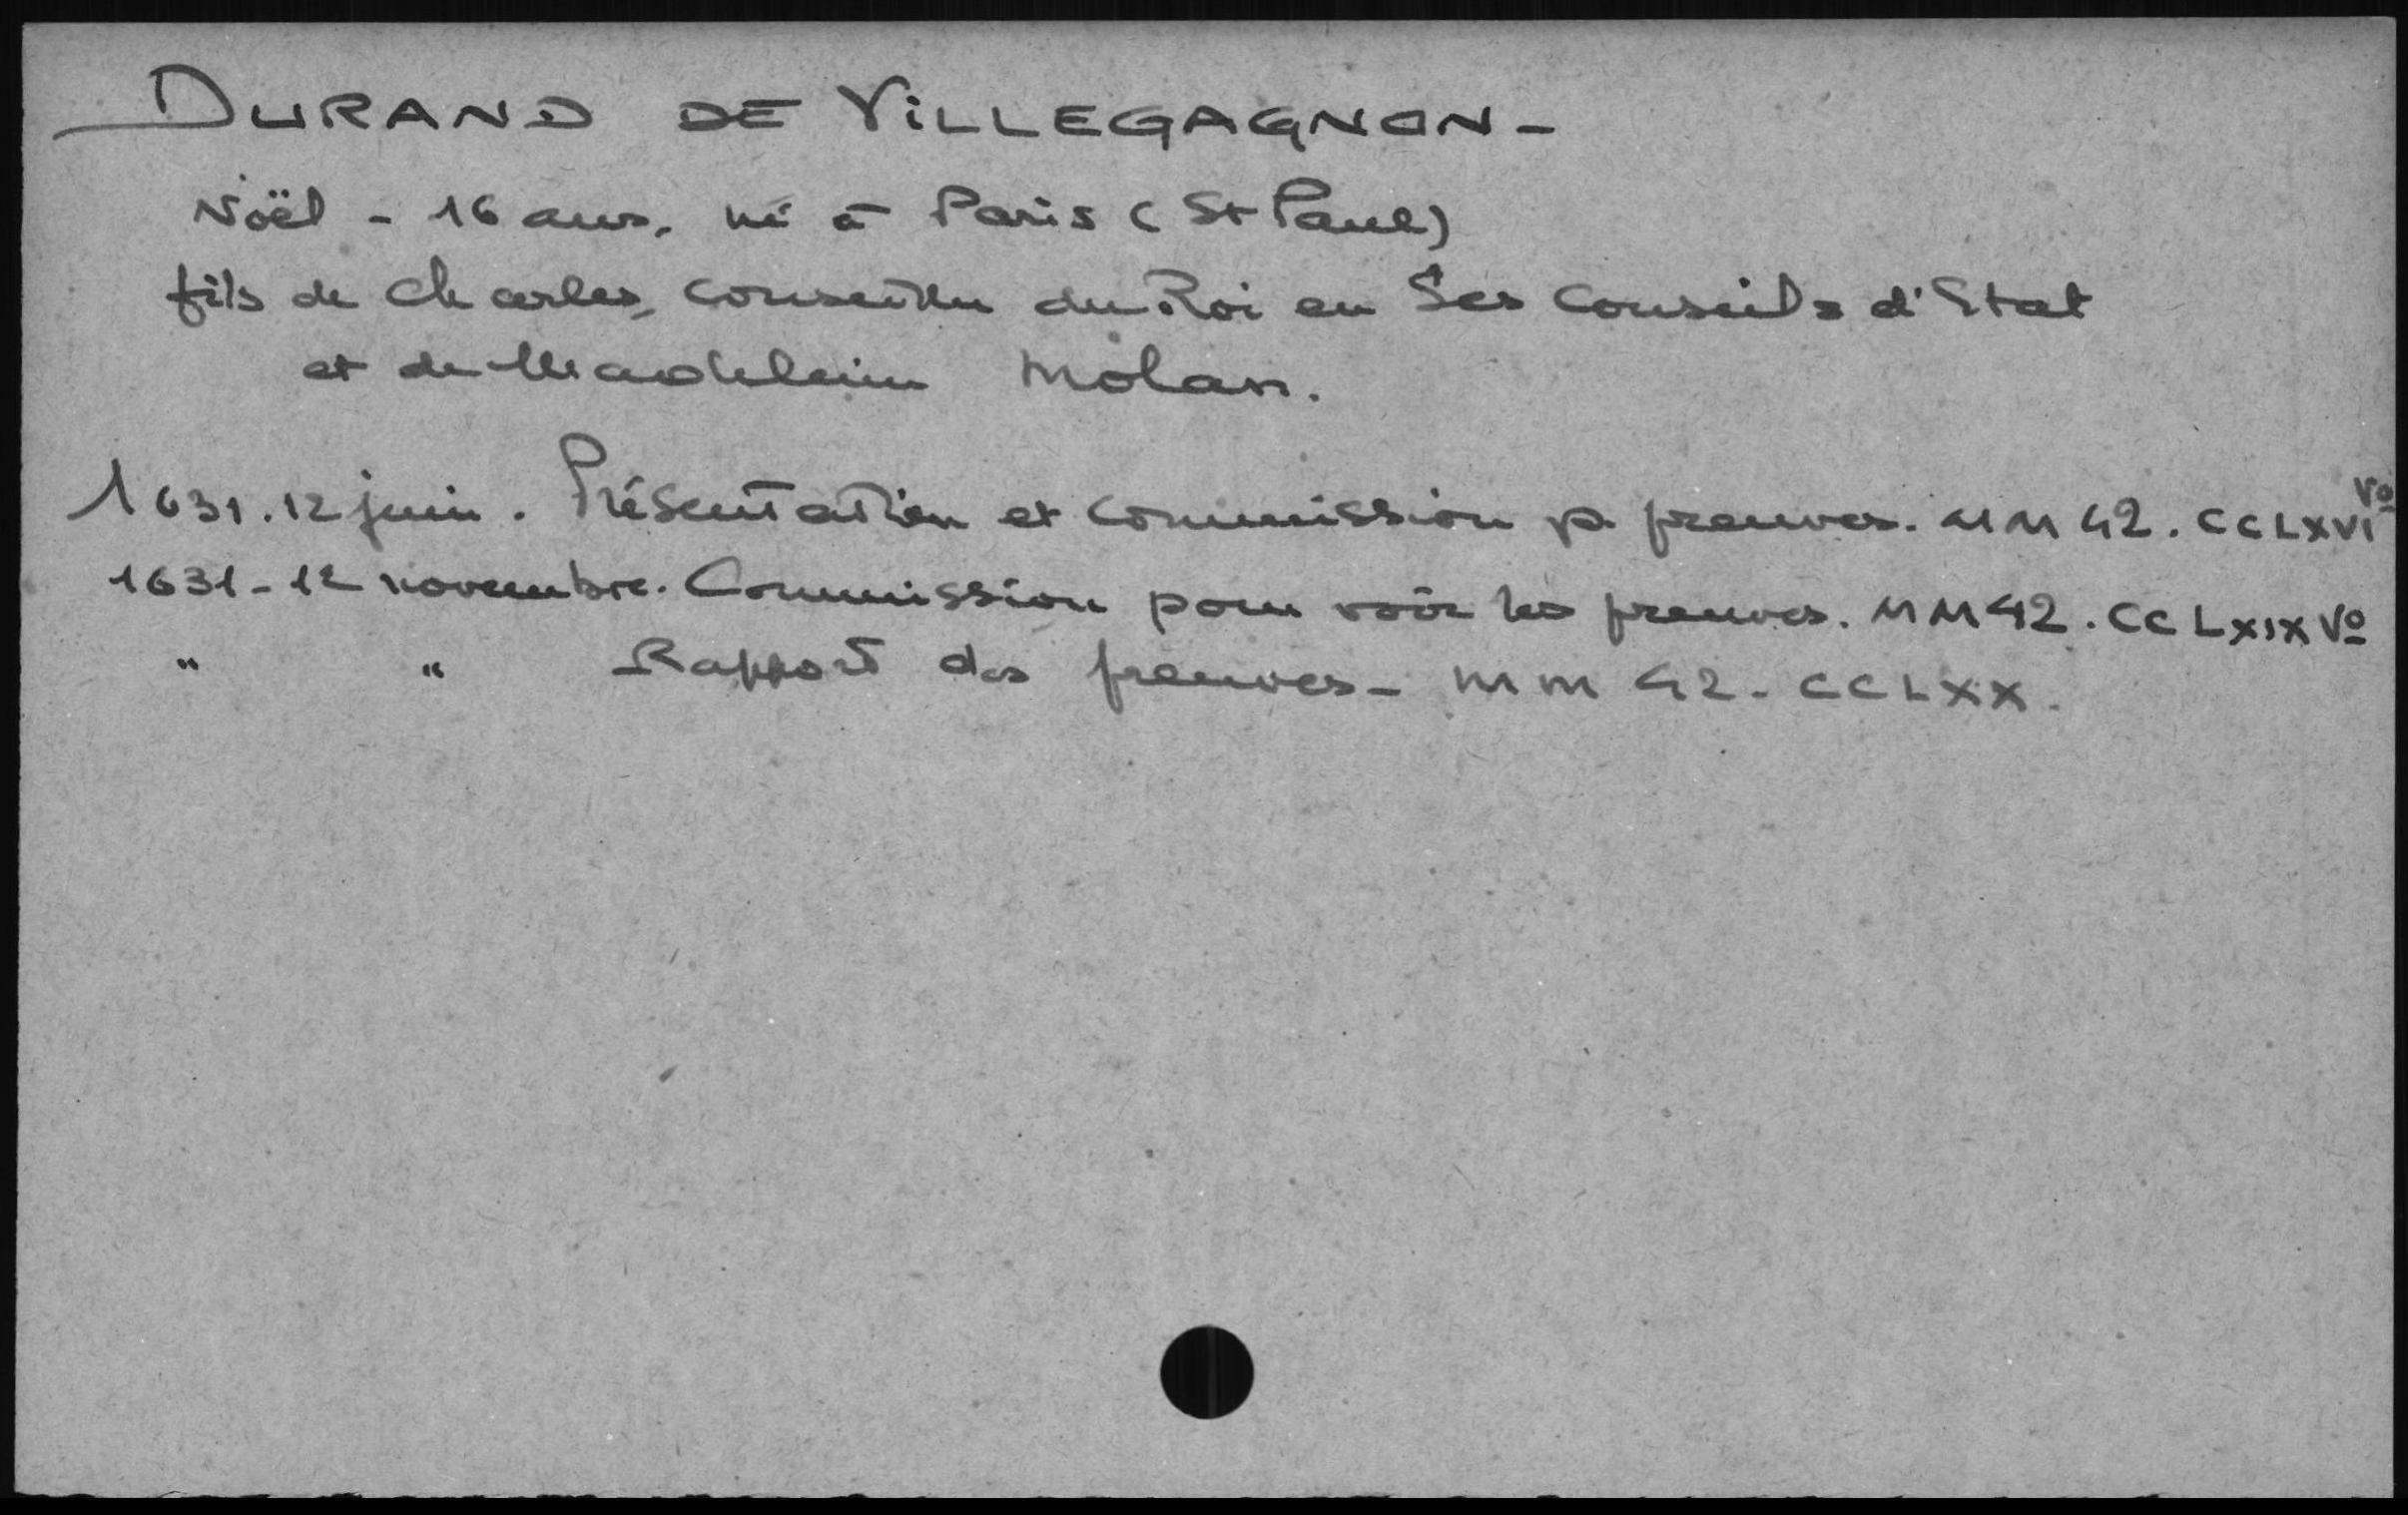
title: DURAND DE VILLEGAGNON - Noël, 16 ans, né à Paris (Saint Paul) fils de Charles, conseiller du Roi en ses Conseils d'État et de Madeleine Molan.
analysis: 1631, 12 juin. Présentation et commission pour preuves. MM 42. CCLXVIv 1631, 12 novembre. Commission pour voir les preuves. MM 42. CCLXIXv " " Rapport des preuves. MM 42. CCLXX
